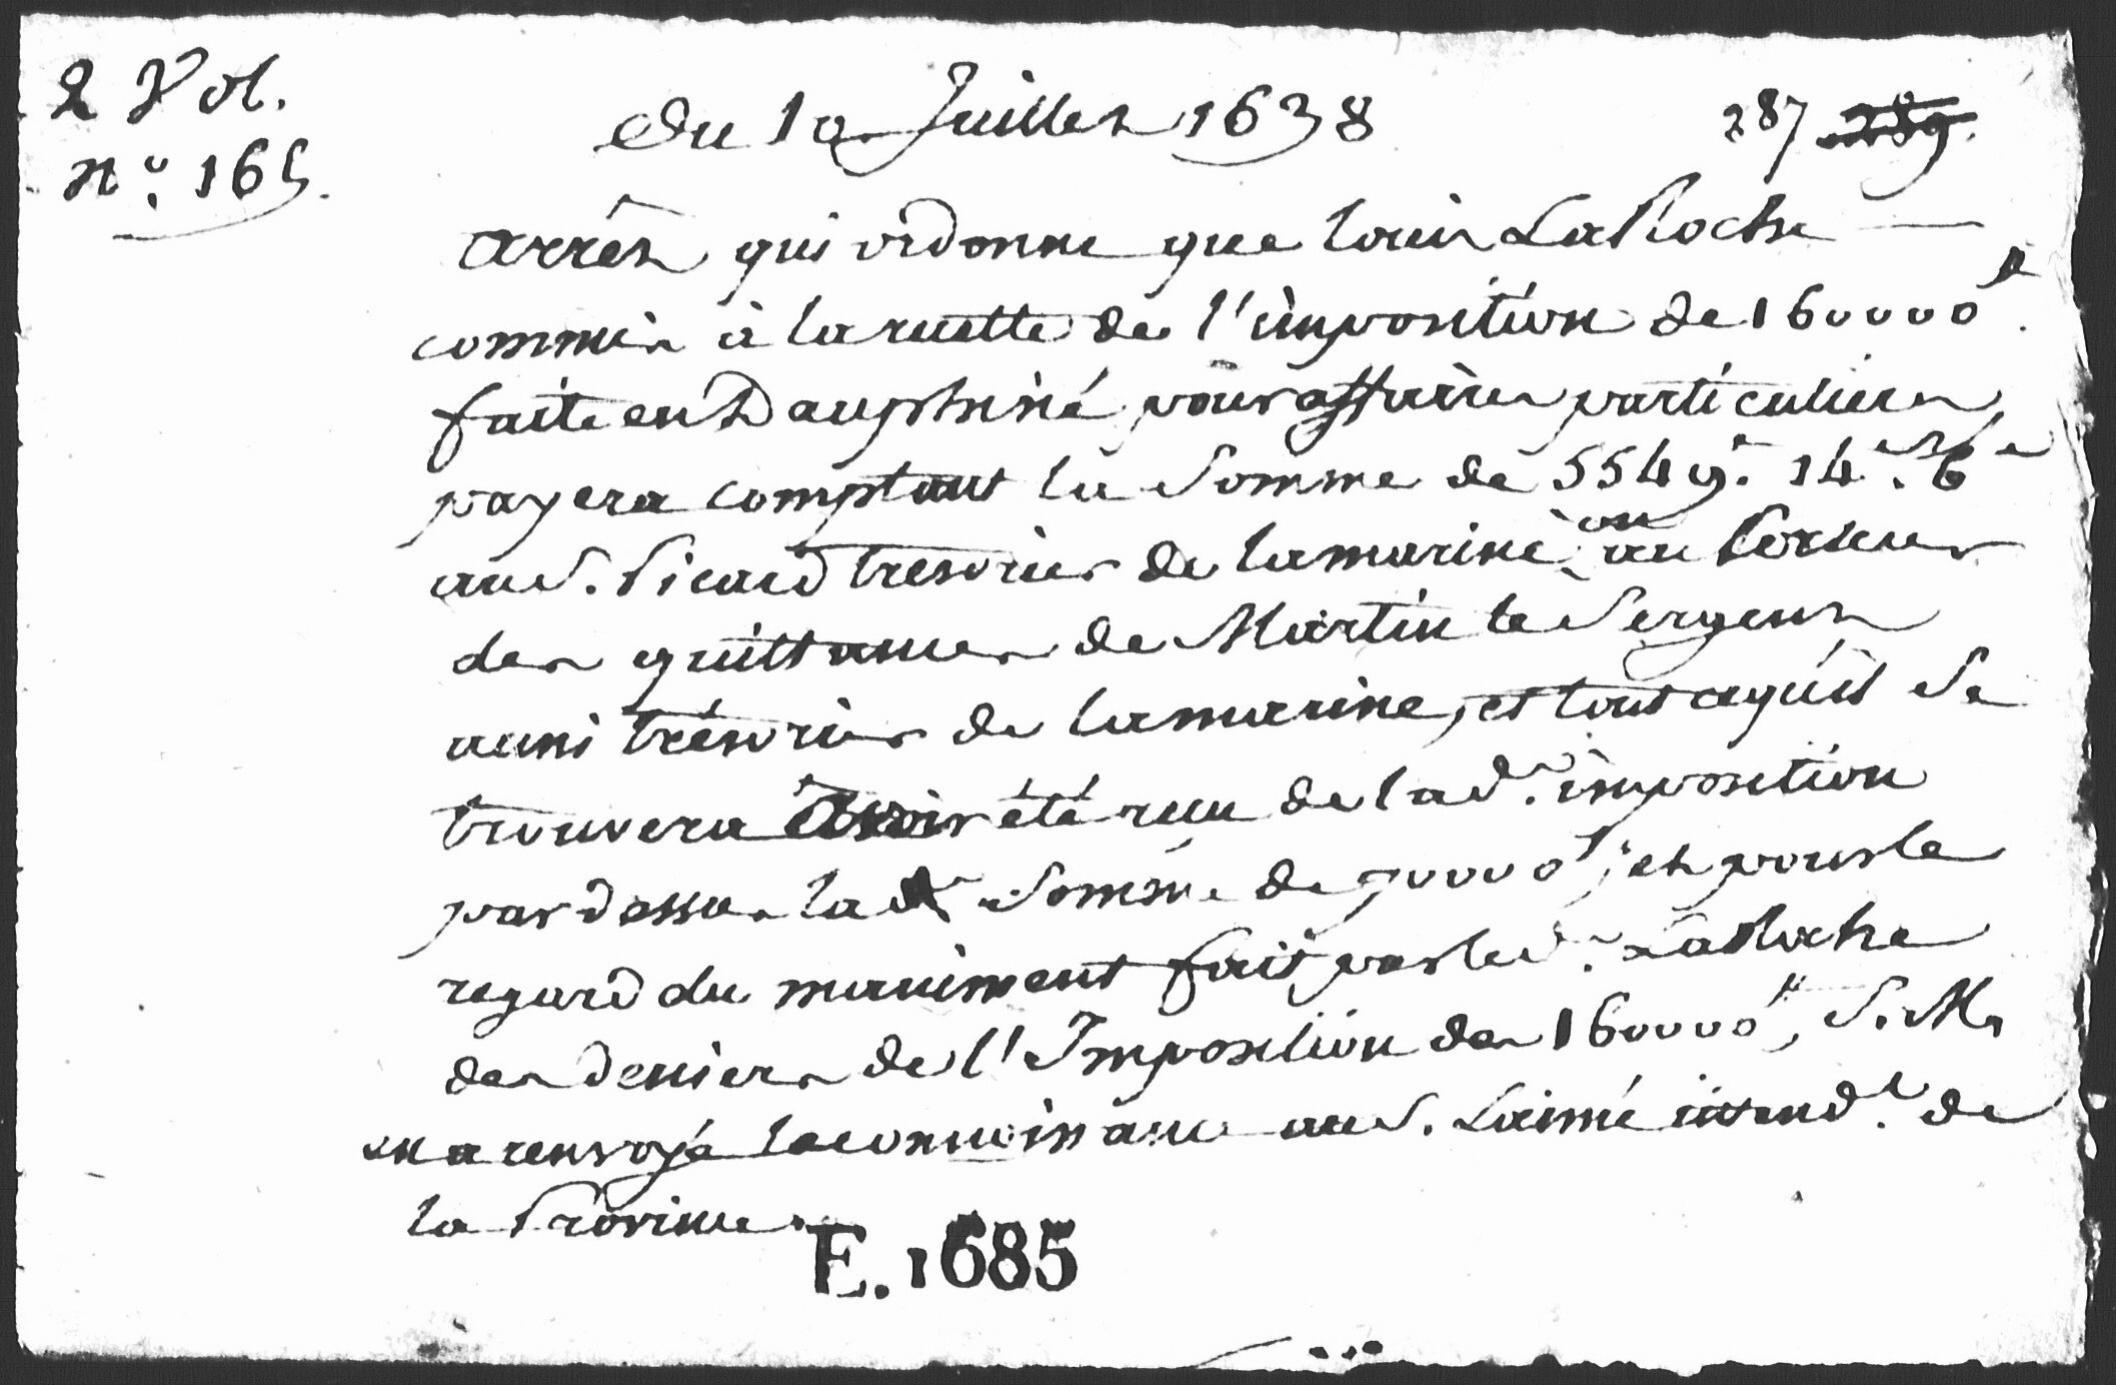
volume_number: n°165
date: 10 juillet 1638
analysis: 287 [289 barré]
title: Arrêt qui ordonne que Louis La Roche commis à la recette de l'imposition de 160000# faite en Dauphiné pour affaires particulieres payera comptant la somme de 5549 #. 14 s. 6 d. au S. Picard tresorier de la marine ou au porteur des quittances de Martin Le Sergent aussi trésorier de la marine, et tout ce qu'il se trouvera avoir été reçu de lad. imposition par dessus lad. somme de 70000 #, et pour le regard du maniment fait par led. La Roche des deniers de l'imposition des 160000 #, S. M. en a renvoyé la connoissance au S. Laisné intend.t de la province.
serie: E
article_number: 1685
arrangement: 2 vol.
